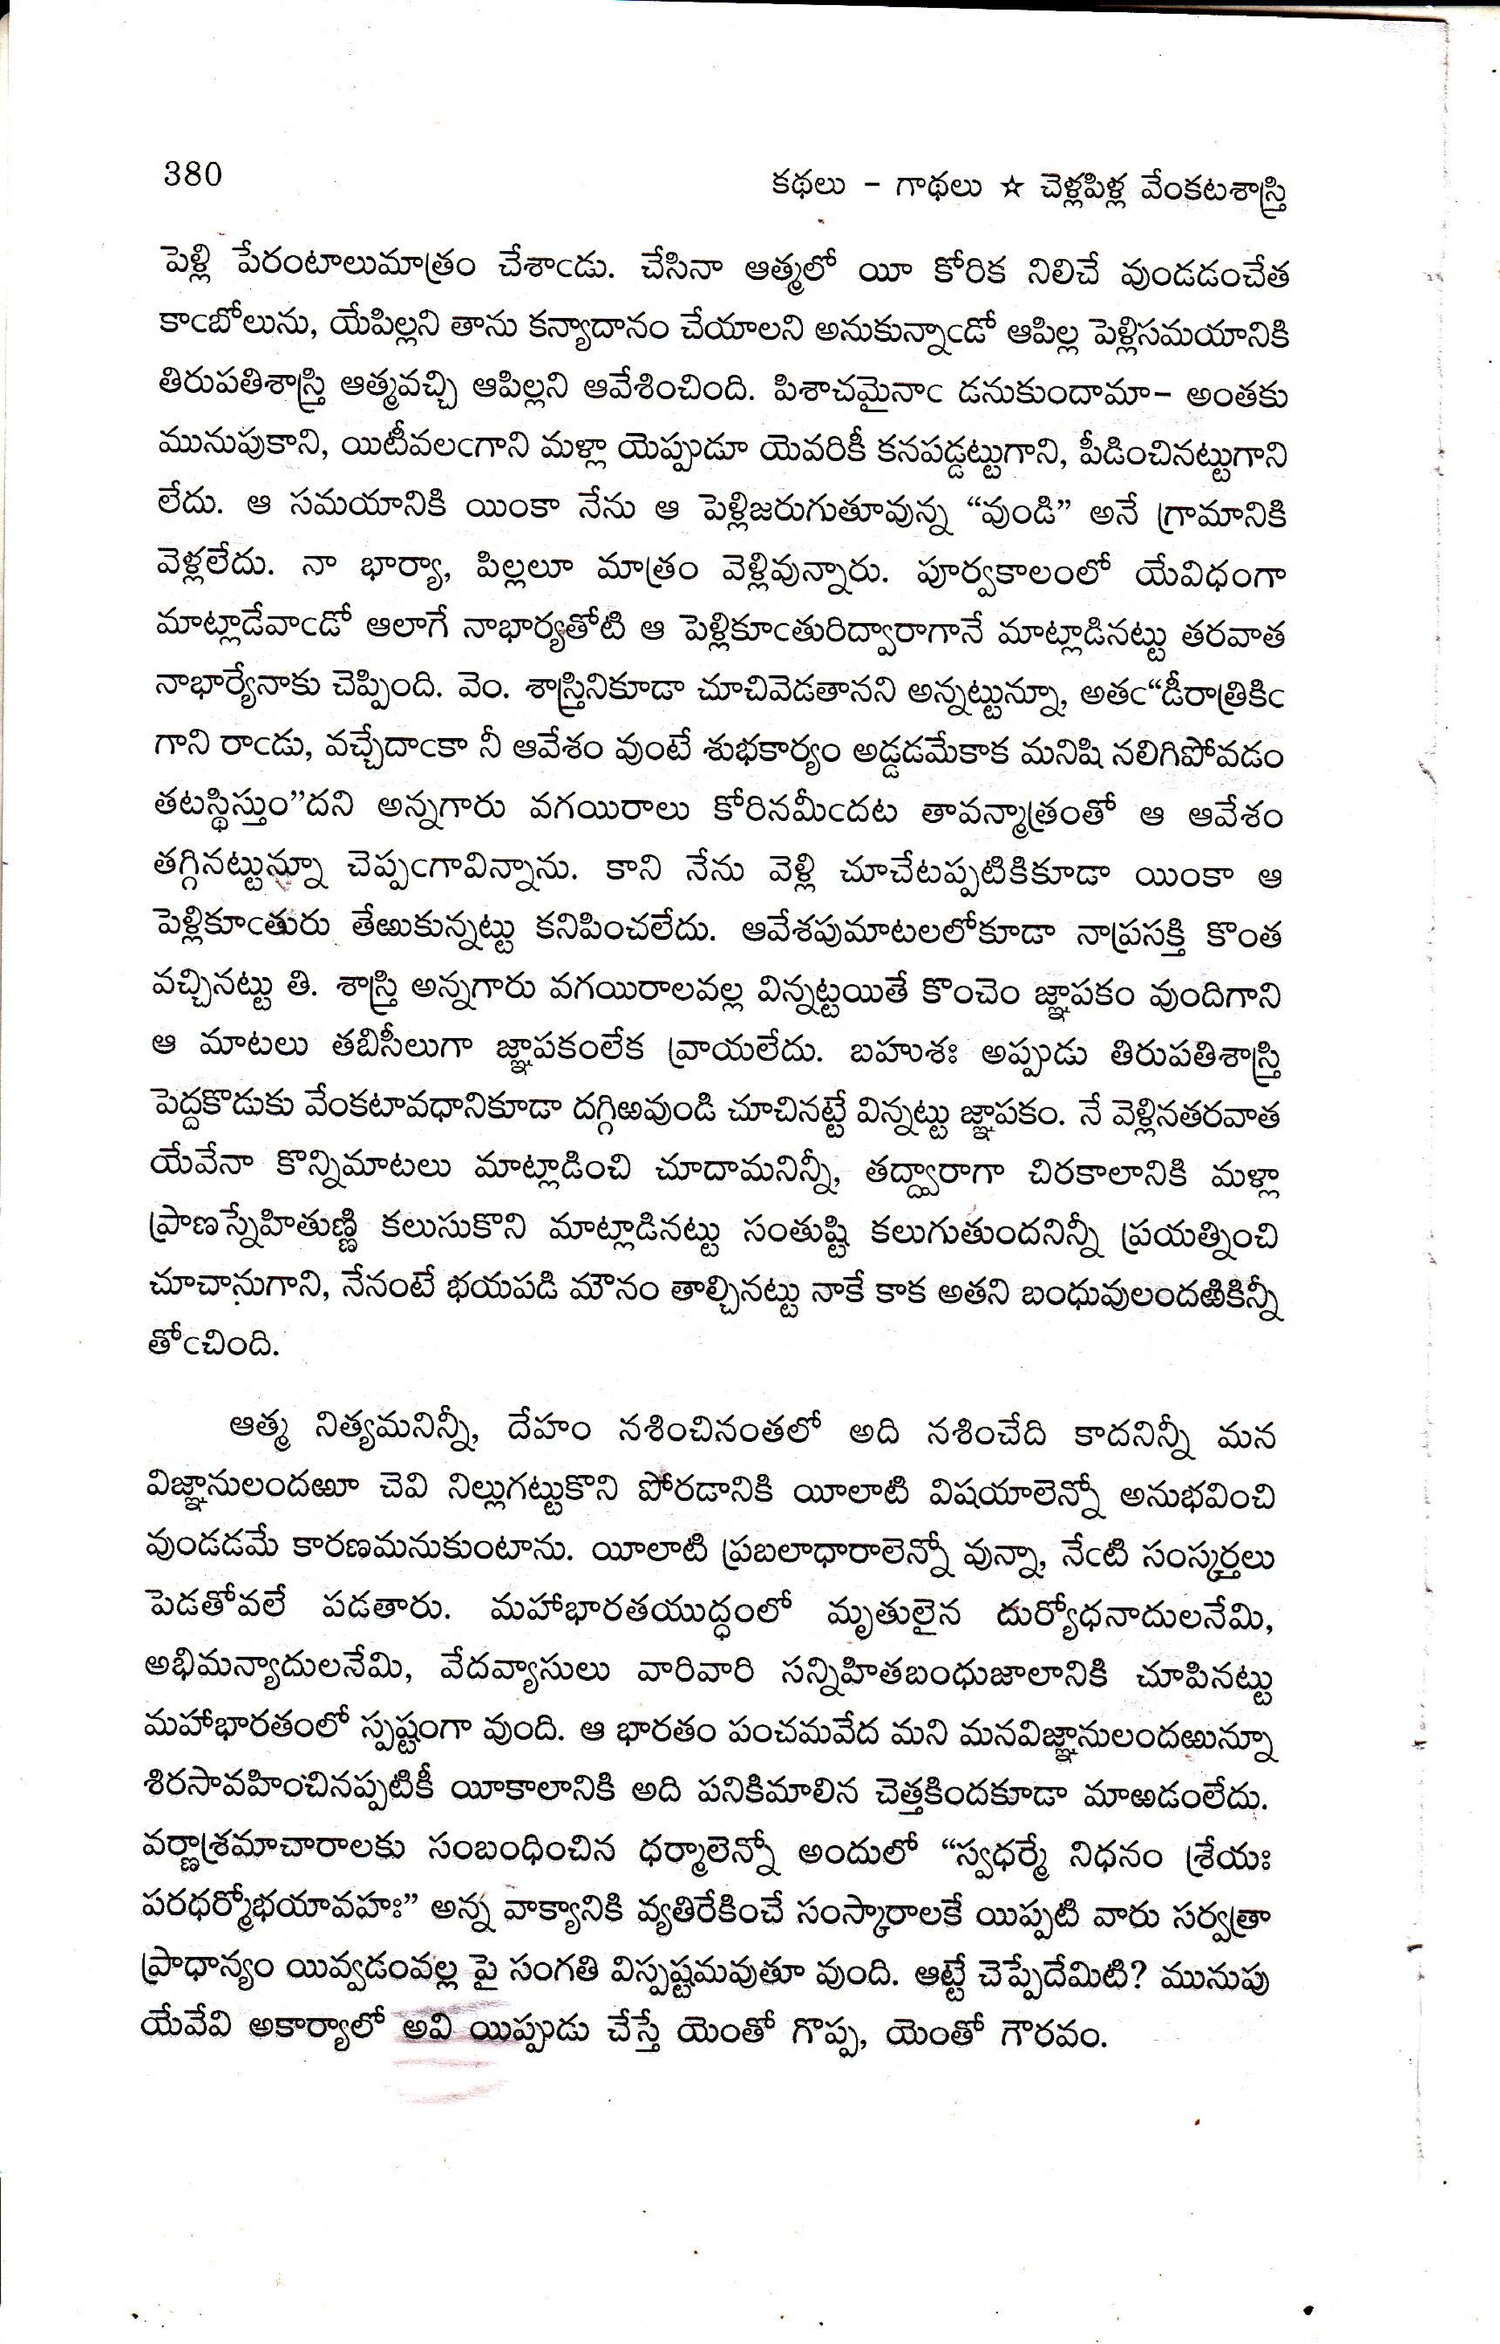పెళ్లి పేరంటాలుమాత్రం చేశాఁడు. చేసినా ఆత్మలో యీ కోరిక నిలిచే వుండడంచేత కాఁబోలును, యేపిల్లని తాను కన్యాదానం చేయాలని అనుకున్నాఁడో ఆపిల్ల పెళ్లిసమయానికి తిరుపతిశాస్త్రి ఆత్మవచ్చి ఆపిల్లని ఆవేశించింది. పిశాచమైనాఁ డనుకుందామా - అంతకు మునుపుకాని, యిటీవలఁగాని మళ్లాయెప్పుడూ యెవరికీ కనపడ్డట్టుగాని, పీడించినట్టుగాని లేదు. ఆ సమయానికి యింకా నేను ఆ పెళ్లిజరుగుతూవున్న “వుండి" అనే గ్రామానికి వెళ్లలేదు. నా భార్యా, పిల్లలూ మాత్రం వెళ్లివున్నారు. పూర్వకాలంలో యేవిధంగా మాట్లాడేవాఁడో ఆలాగే నాభార్యతోటి ఆ పెళ్లికూఁతురిద్వారాగానే మాట్లాడినట్టు తరవాత నాభార్యేనాకు చెప్పింది. వెం. శాస్త్రినికూడా చూచివెడతానని అన్నట్టున్నూ అతఁ"డీరాత్రికిఁ గాని రాఁడు, వచ్చేదాఁకా నీ ఆవేశం వుంటే శుభకార్యం అడ్డడమేకాక మనిషి నలిగిపోవడం తటస్థిస్తుం"దని అన్నగారు వగయిరాలు కోరినమీఁదట తావన్మాత్రంతో ఆ ఆవేశం తగ్గినట్టున్నూ చెప్పఁగావిన్నాను. కాని నేను వెళ్లి చూచేటప్పటికికూడా యింకా ఆ పెళ్లికూఁతురు తేఱుకున్నట్టు కనిపించలేదు. ఆవేశపుమాటలలోకూడా నాప్రసక్తి కొంత వచ్చినట్టు తి. శాస్త్రి అన్నగారు వగయిరాలవల్ల విన్నట్టయితే కొంచెం జ్ఞాపకం వుందిగాని ఆ మాటలు తబిసీలుగా జ్ఞాపకంలేక వ్రాయలేదు. బహుశః అప్పుడు తిరుపతిశాస్త్రి పెద్దకొడుకు వేంకటావధానికూడా దగ్గిఱవుండి చూచినట్టే విన్నట్టు జ్ఞాపకం. నే వెళ్లినతరవాత యేవేనా కొన్నిమాటలు మాట్లాడించి చూదామనిన్నీ తద్ద్వారాగా చిరకాలానికి మళ్లా ప్రాణస్నేహితుణ్ణి కలుసుకొని మాట్లాడినట్టు సంతుష్టి కలుగుతుందనిన్నీ ప్రయత్నించి చూచానుగాని, నేనంటే భయపడి మౌనం తాల్చినట్టు నాకే కాక అతని బంధువులందఱికిన్నీ తోఁచింది.

ఆత్మ నిత్యమనిన్నీ దేహం నశించినంతలో అది నశించేది కాదనిన్నీ మన విజ్ఞానులందఱూ చెవి నిల్లుగట్టుకొని పోరడానికి యీలాటి విషయాలెన్నో అనుభవించి వుండడమే కారణమనుకుంటాను. యీలాటి ప్రబలాధారాలెన్నో వున్నా నేఁటి సంస్కర్తలు పెడతోవలే పడతారు. మహాభారతయుద్ధంలో మృతులైన దుర్యోధనాదులనేమి, అభిమన్యాదులనేమి, వేదవ్యాసులు వారివారి సన్నిహితబంధుజాలానికి చూపినట్టు మహాభారతంలో స్పష్టంగా వుంది. ఆ భారతం పంచమవేద మని మనవిజ్ఞానులందఱున్నూ శిరసావహించినప్పటికీ యీకాలానికి అది పనికిమాలిన చెత్తకిందకూడా మాఱడంలేదు. వర్ణాశ్రమాచారాలకు సంబంధించిన ధర్మాలెన్నో అందులో "స్వధర్మే నిధనం శ్రేయః పరధర్మోభయావహః" అన్న వాక్యానికి వ్యతిరేకించే సంస్కారాలకే యిప్పటి వారు సర్వత్రా ప్రాధాన్యం యివ్వడంవల్ల పై సంగతి విస్పష్టమవుతూ వుంది. ఆట్టే చెప్పేదేమిటి? మునుపు యేవేవి అకార్యాలో అవి యిప్పుడు చేస్తే యెంతో గొప్ప, యెంతో గౌరవం.